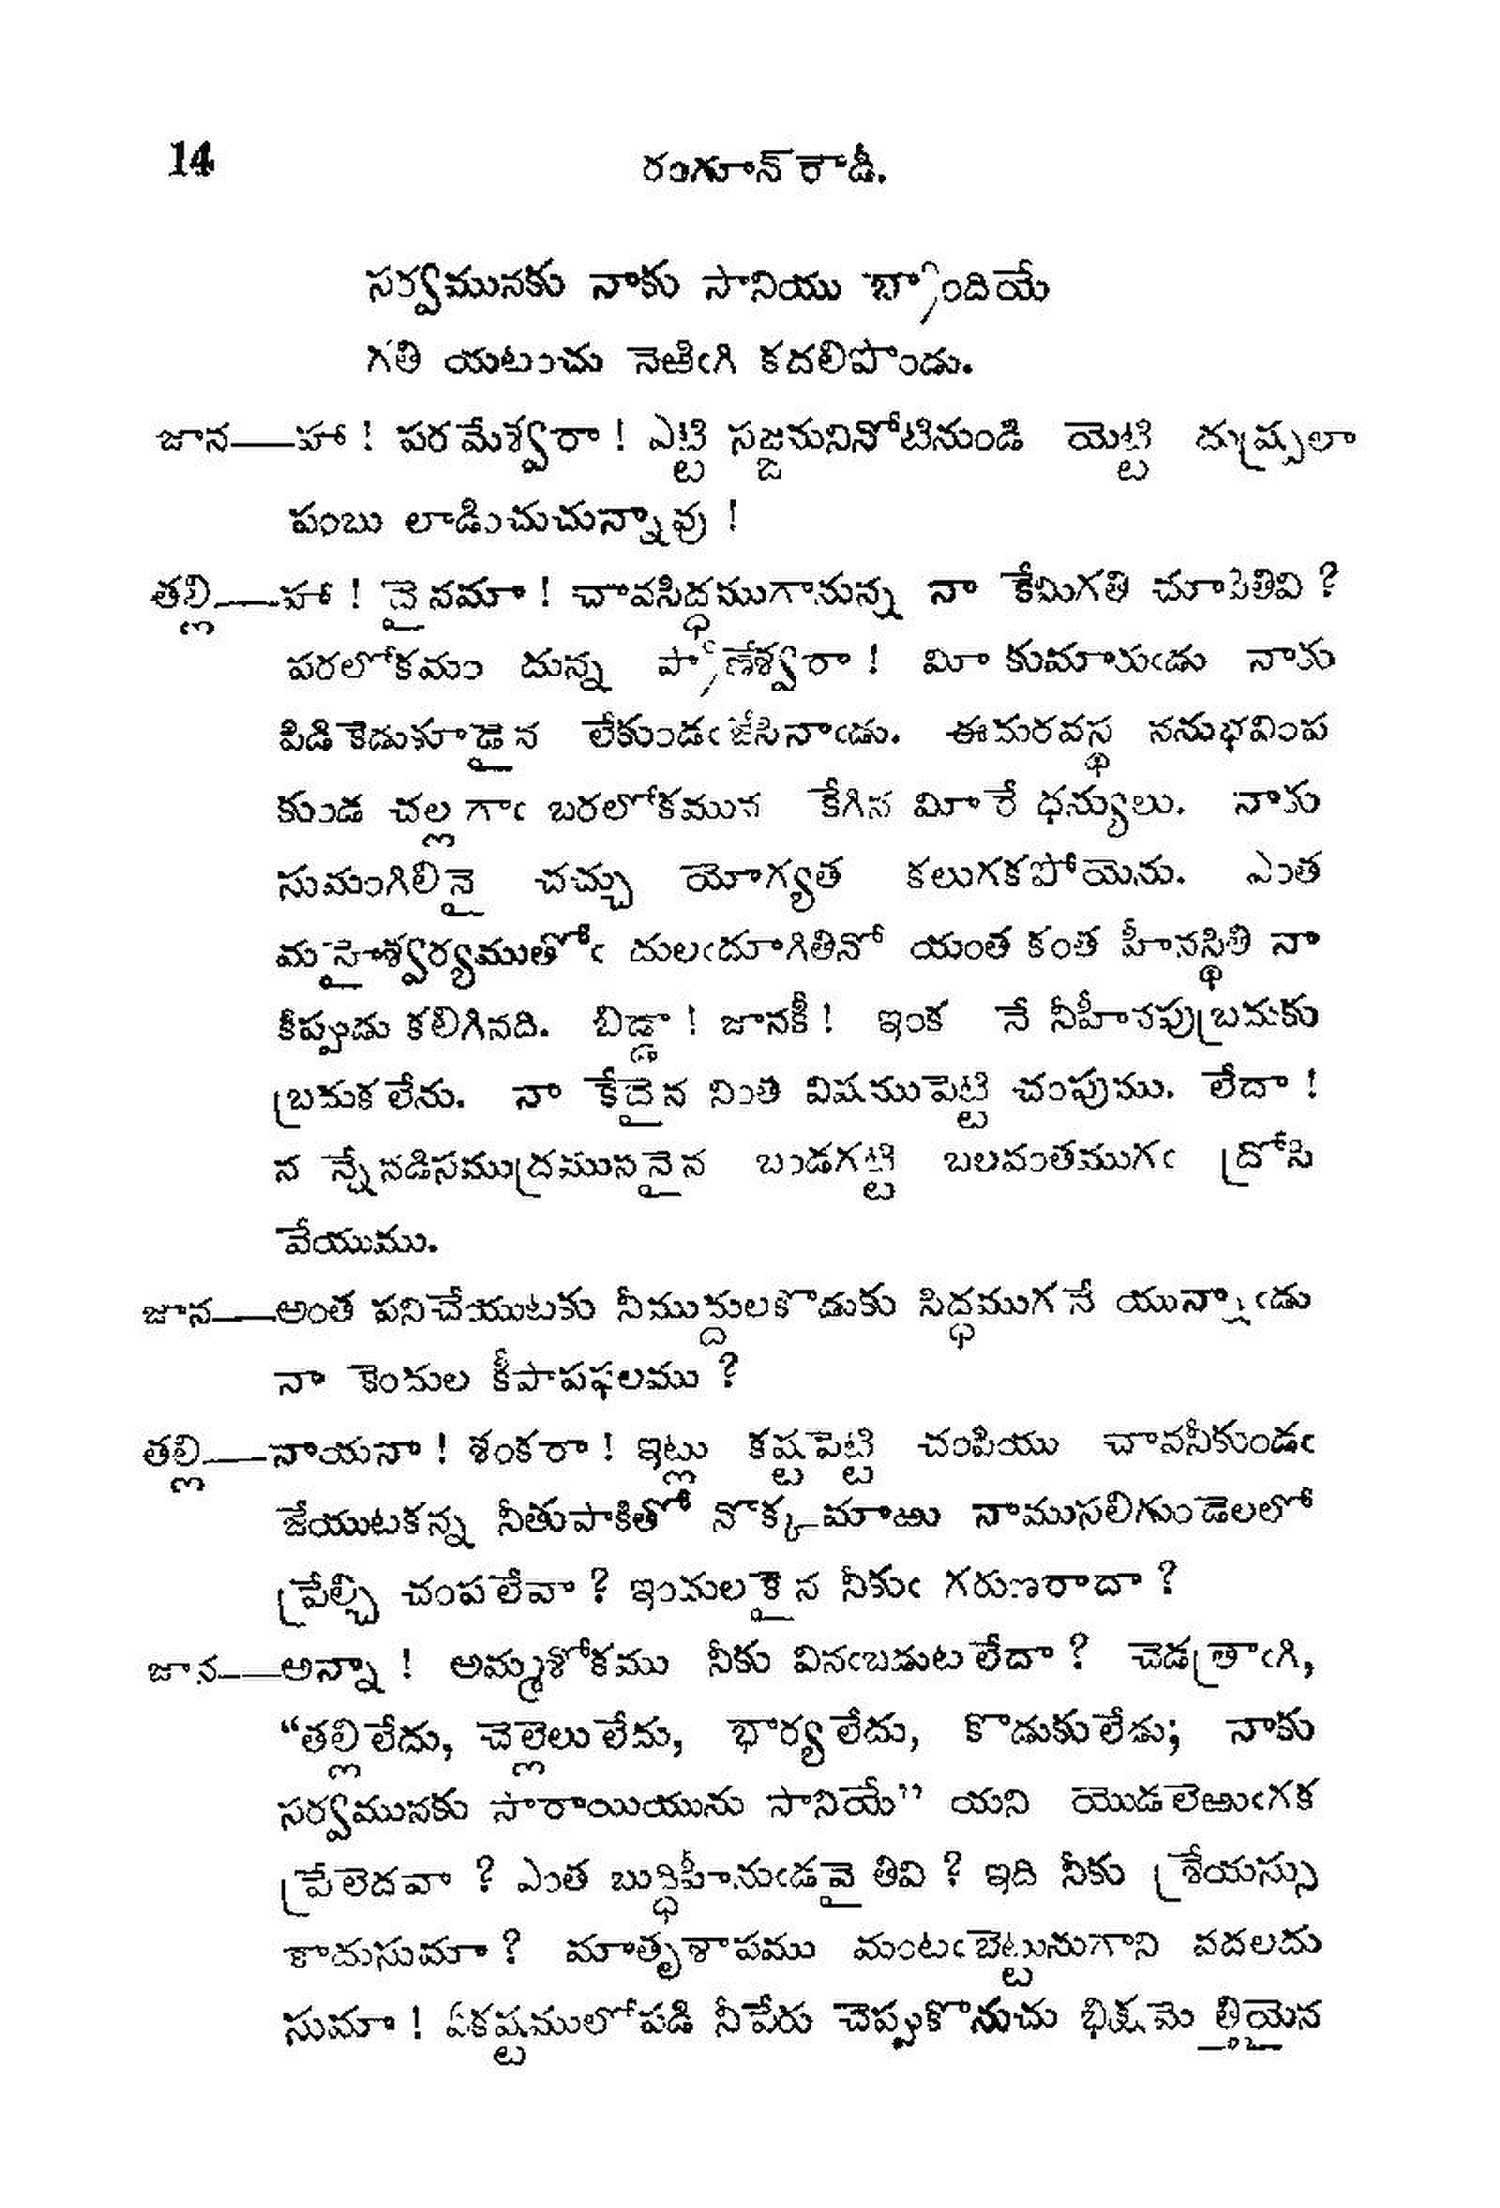సర్వమునకు నాకు సానియు బ్రాందియే

గతి యటంచు నెఱిఁగి కదలిపొండు.

జాన - హా ! పరమేశ్వరా ! ఎట్టి సజ్జనునినోటినుండి యెట్టి దుష్ప్రలాపంబు లాడించుచున్నావు !

తల్లి - హా ! దైవమా ! చావసిద్ధముగానున్న నా కేమిగతి చూపితివి ? పరలోకమం దున్న ప్రాణేశ్వరా ! మీకుమారుఁడు నాకు పిడికెడుకూడైన లేకుండఁజేసినాఁడు. ఈదురవస్థ ననుభవింప కుండ చల్లగాఁ
బరలోకమున కేగిన మీరే ధన్యులు. నాకు సుమంగిలినై చచ్చు యోగ్యత కలుగకపోయెను. ఎంత
మహైశ్వర్యముతోఁ దులఁదూగితినో యంత కంత హీనస్థితి నా కిప్పుడు కలిగినది. బిడ్డా ! జానకీ ! ఇంక నే నీహీనపుబ్రదుకు బ్రదుకలేను. నా కేదైన నింత విషముపెట్టి చంపుము. లేదా న న్నేనడిసముద్రముననైన బండగట్టి బలవంతముగఁ ద్రోసి వేయుము.

జాన - అంత పనిచేయుటకు నీముద్దులకొడుకు సిద్ధముగనే యున్నాఁడు నా కెందుల కీపాపఫలము?

తల్లి - నాయనా ! శంకరా ! ఇట్లు కష్టపెట్టి చంపియు చాననీకుండఁ జేయుటకన్న నీతుపాకితో నొక్కమాఱు నాముసలిగుండెలలో ప్రేల్చి చంపలేవా ? ఇందులకైన నీకుఁ గరుణరాదా ?

జాన - అన్నా ! అమ్మశోకము నీకు వినఁబడుట లేదా ? చెడత్రాఁగి, “తల్లిలేదు, చెల్లెలులేదు, భార్యలేదు, కొడుకులేడు; నాకు సర్వమునకు సారాయియును సానియే" యని యొడలెఱుఁగక
ప్రేలెదవా ? ఎంత బుద్ధిహీనుఁడవై తివి ? ఇది నీకు శ్రేయస్సు కాదుసుమా! మాతృశాపము మంటఁబెట్టునుగాని వదలదు సుమా ! ఏకష్టములోపడి నీపేరు చెప్పుకొనుచు భిక్షమెత్తియైన